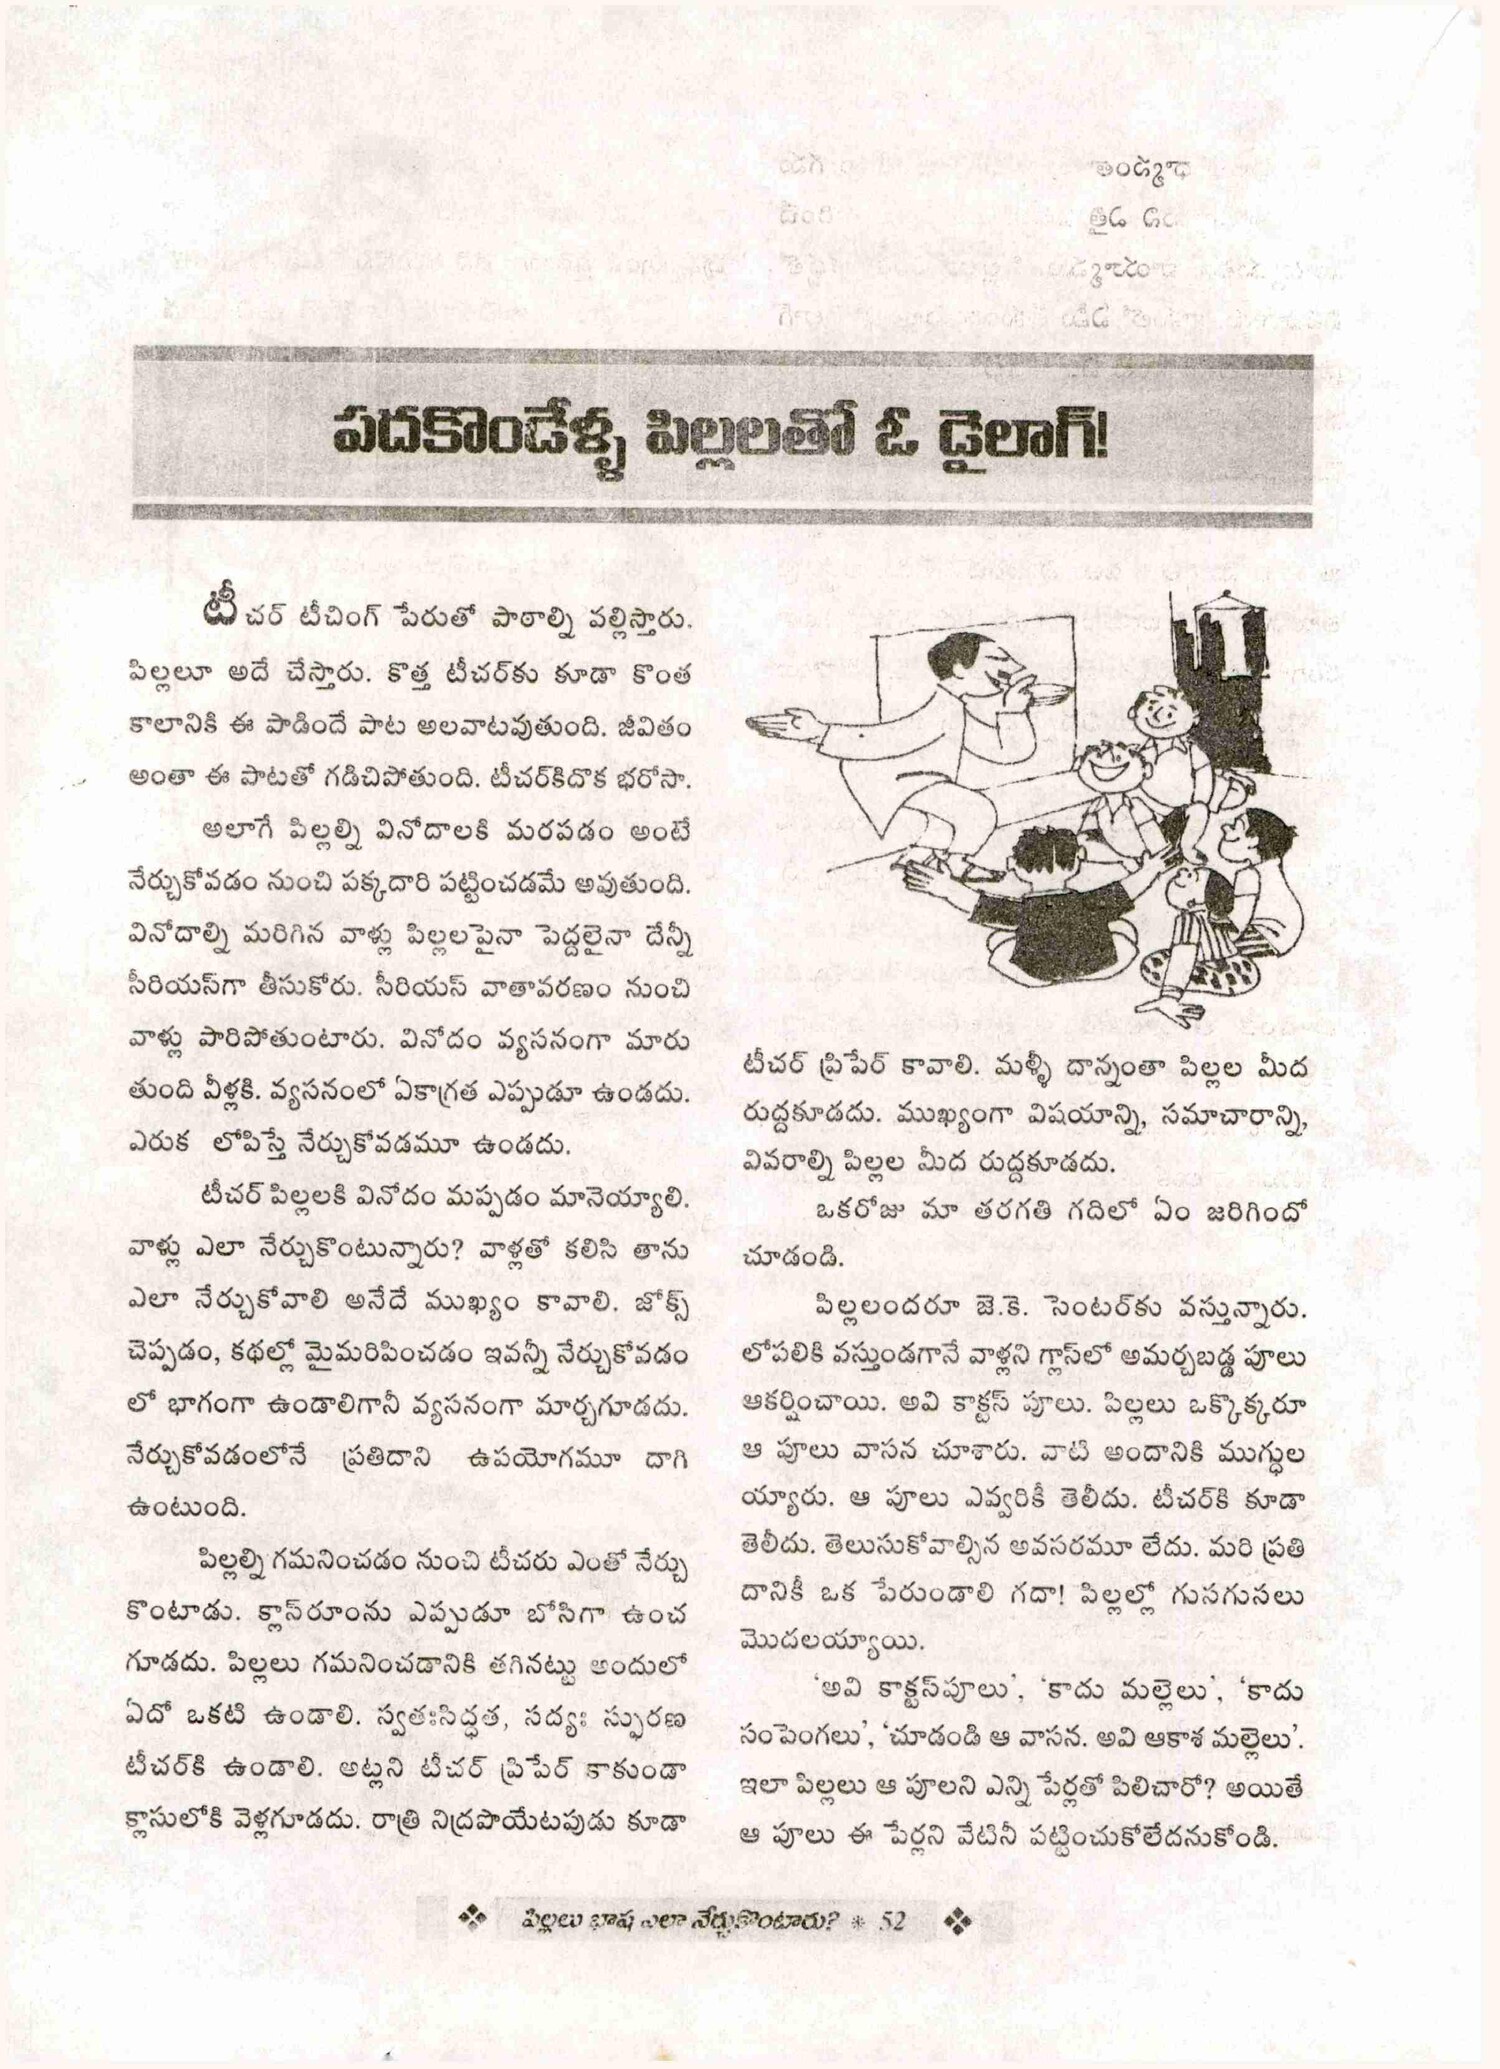పదకొండేళ్ళ పిల్లలతో ఓ డైలాగ్ !

టీచర్ టీచింగ్ పేరుతో పాఠాల్ని వల్లిస్తారు. పిల్లలూ అదే చేస్తారు. కొత్త టీచర్‌కు కూడా కొంత కాలానికి ఈ పాడిందే పాట అలవాటవుతుంది. జీవితం అంతా ఈ పాటతో గడిచిపోతుంది. టీచర్‌కిదొక భరోసా.

అలాగే పిల్లల్ని వినోదాలకి మరపడం అంటే నేర్చుకోవడం నుంచి పక్కదారి పట్టించడమే అవుతుంది. వినోదాల్ని మరిగిన వాళ్లు పిల్లలపైనా పెద్దలైనా దేన్నీ సీరియస్‌గా తీసుకోరు. సీరియస్ వాతావరణం నుంచి వాళ్లు పారిపోతుంటారు. వినోదం వ్యసనంగా మారుతుంది వీళ్లకి. వ్యసనంలో ఏకాగ్రత ఎప్పుడూ ఉండదు. ఎరుక లోపిస్తే నేర్చుకోవడమూ ఉండదు.

టీచర్ పిల్లలకి వినోదం మప్పడం మానెయ్యాలి. వాళ్లు ఎలా నేర్చుకొంటున్నారు? వాళ్లతో కలిసి తాను ఎలా నేర్చుకోవాలి అనేదే ముఖ్యం కావాలి. జోక్స్ చెప్పడం, కథల్లో మైమరిపించడం ఇవన్నీ నేర్చుకోవడంలో భాగంగా ఉండాలిగానీ వ్యసనంగా మార్చగూడదు. నేర్చుకోవడంలోనే ప్రతిదాని ఉపయోగమూ దాగి ఉంటుంది.

పిల్లల్ని గమనించడం నుంచి టీచరు ఎంతో నేర్చుకొంటాడు. క్లాస్‌రూంను ఎప్పుడూ బోసిగా ఉంచగూడదు. పిల్లలు గమనించడానికి తగినట్టు అందులో ఏదో ఒకటి ఉండాలి. స్వతఃసిద్ధత, సద్యః స్ఫురణ టీచర్‌కి ఉండాలి. అట్లని టీచర్ ప్రిపేర్ కాకుండా క్లాసులోకి వెళ్లగూడదు. రాత్రి నిద్రపోయేటపుడు కూడా టీచర్ ప్రిపేర్ కావాలి. మళ్ళీ దాన్నంతా పిల్లల మీద రుద్దకూడదు. ముఖ్యంగా విషయాన్ని, సమాచారాన్ని, వివరాల్ని పిల్లల మీద రుద్దకూడదు.

ఒకరోజు మా తరగతి గదిలో ఏం జరిగిందో చూడండి.

పిల్లలందరూ జె. కె. సెంటర్‌కు వస్తున్నారు. లోపలికి వస్తుండగానే వాళ్లని గ్లాస్‌లో అమర్చబడ్డ పూలు ఆకర్షించాయి. అవి కాక్టస్ పూలు. పిల్లలు ఒక్కొక్కరూ ఆ పూలు వాసన చూశారు. వాటి అందానికి ముగ్ధులయ్యారు. ఆ పూలు ఎవ్వరికీ తెలీదు. టీచర్‌కి కూడా తెలీదు. తెలుసుకోవాల్సిన అవసరమూ లేదు. మరి ప్రతి దానికీ ఒక పేరుండాలి గదా! పిల్లల్లో గుసగుసలు మొదలయ్యాయి.

'అవి కాక్టస్‌పూలు', 'కాదు మల్లెలు', 'కాదు సంపెంగలు’, ‘చూడండి ఆ వాసన. అవి ఆకాశ మల్లెలు'. ఇలా పిల్లలు ఆ పూలని ఎన్ని పేర్లతో పిలిచారో? అయితే ఆ పూలు ఈ పేర్లని వేటినీ పట్టించుకోలేదనుకోండి.